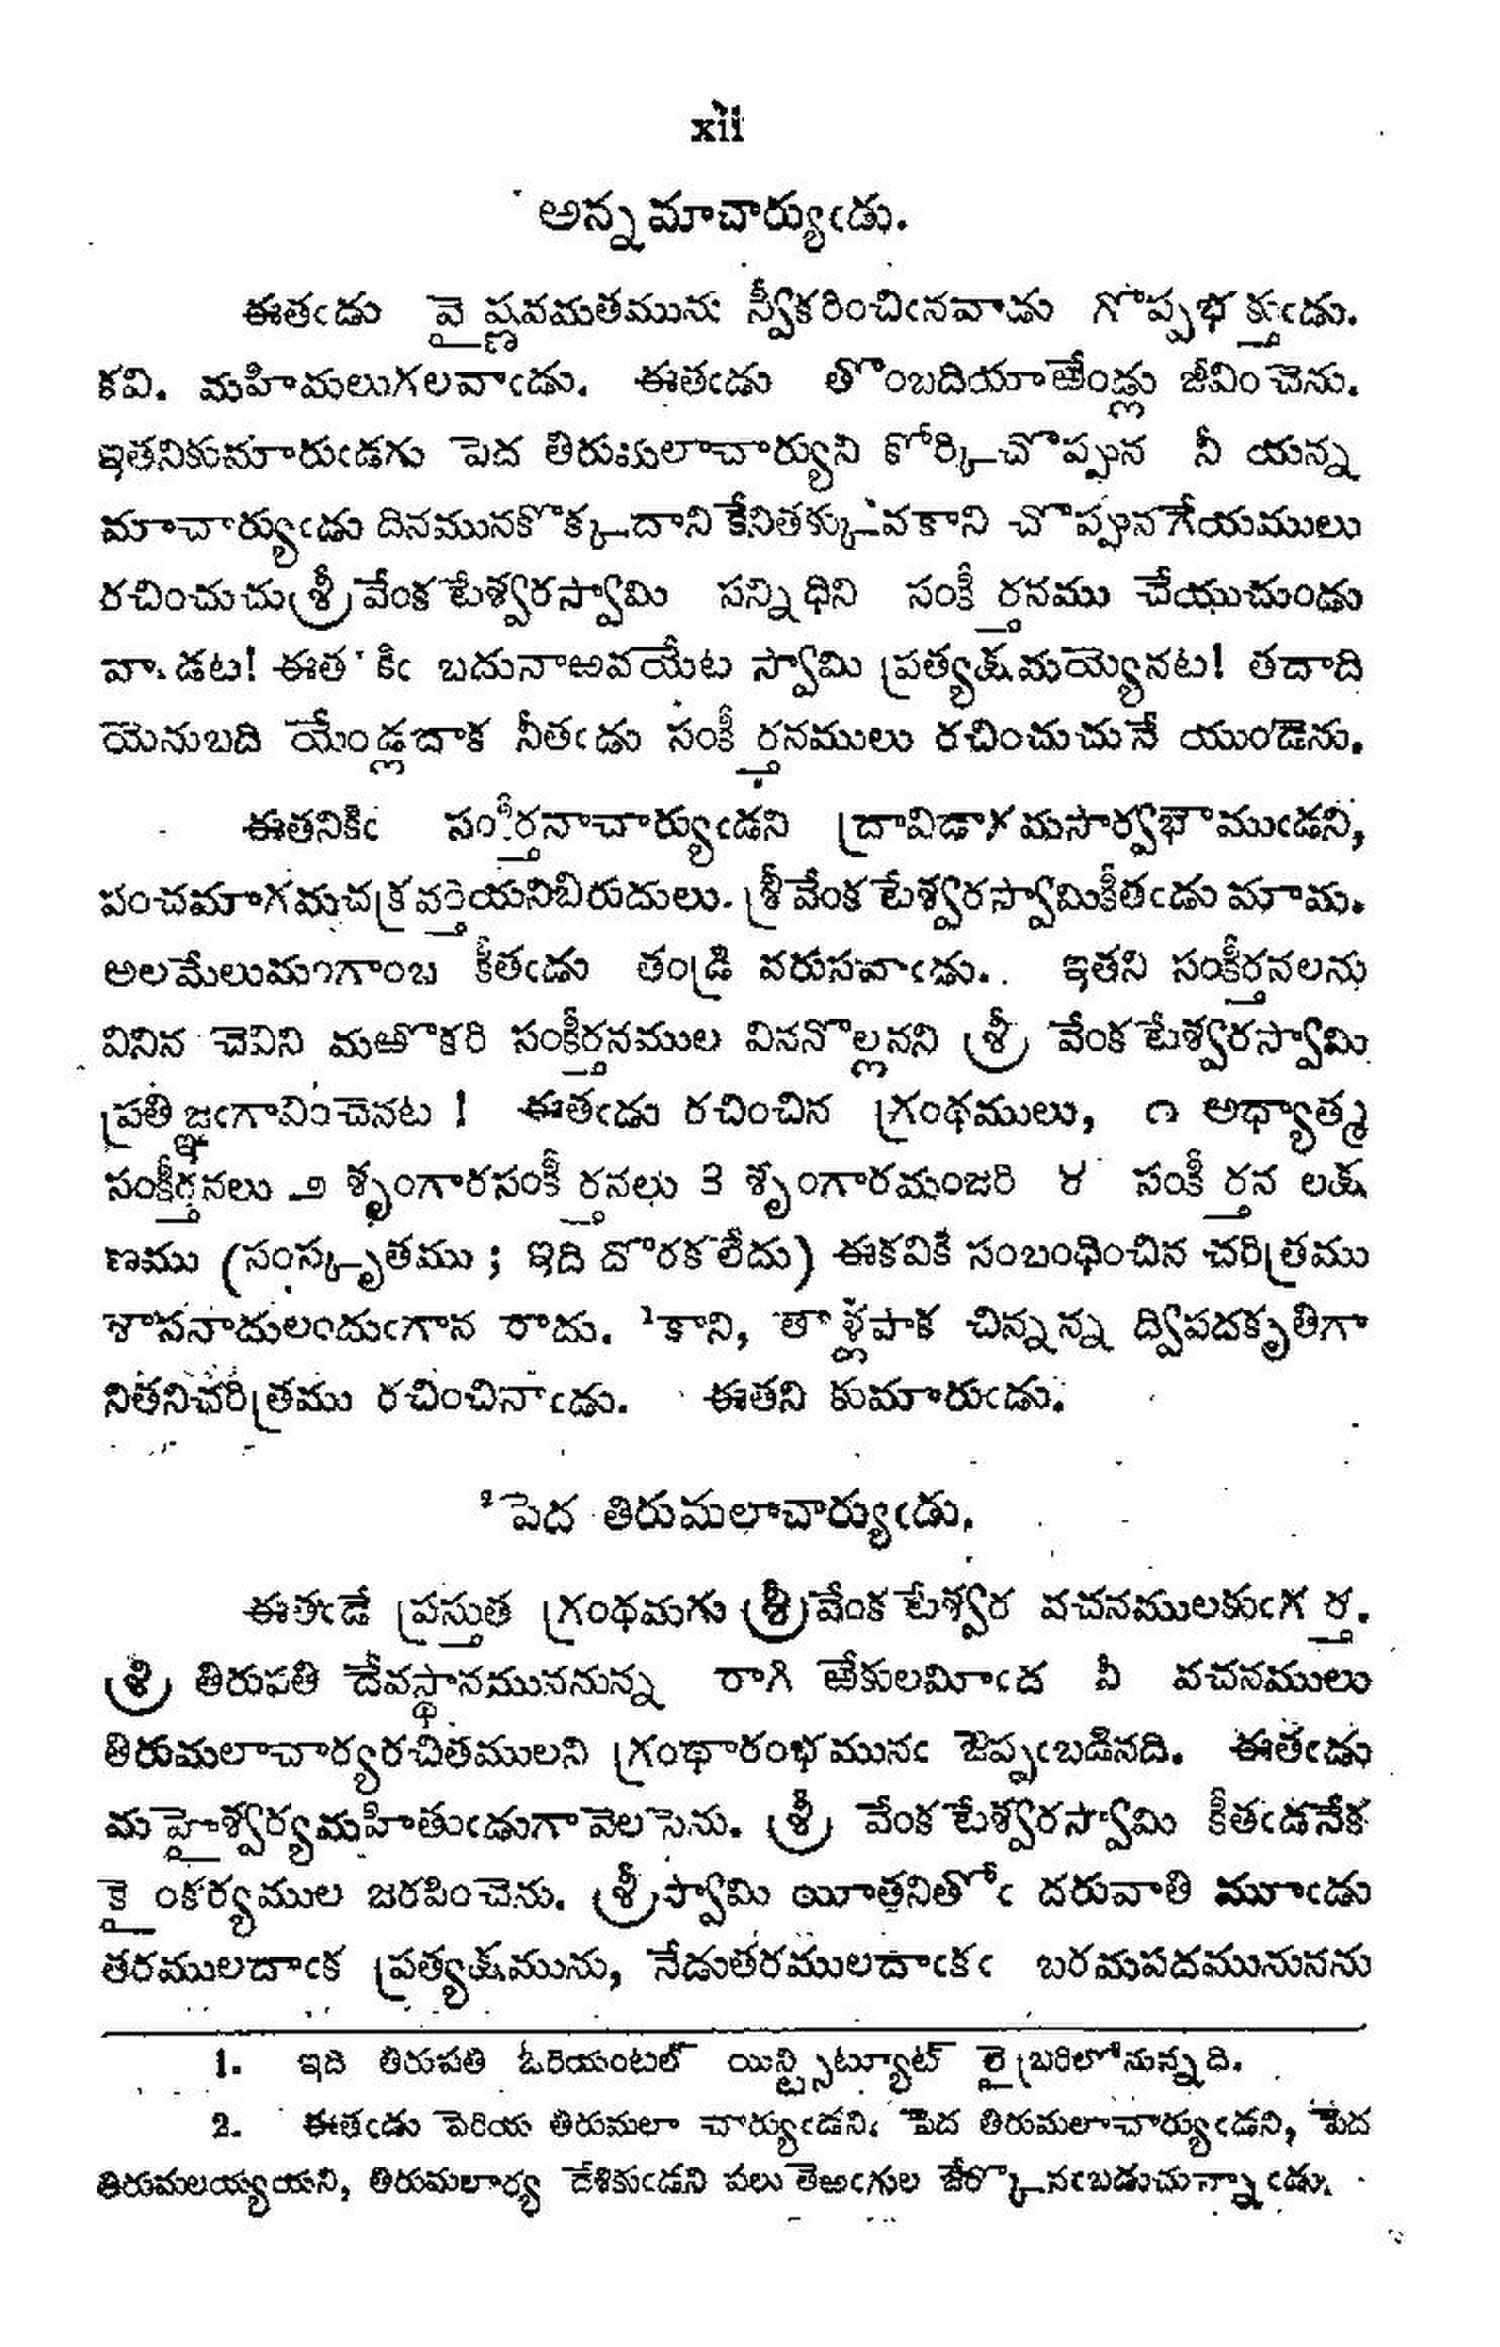ఈతఁడు వైష్ణవమతమును స్వీకరించిఁనవాడు గొప్పభక్తుఁడు. కవి. మహిమలుగలవాఁడు. ఈతఁడు తొంబదియాఱేండ్లు జీవించెను. ఇతనికుమారుఁడగు పెద తిరుమలాచార్యుని కోర్కిచొప్పున నీ యన్నమాచార్యుఁడు దినమునకొక్కదానికేనితక్కువకాని చొప్పునగేయములు రచించుచుశ్రీవేంకటేశ్వరస్వామి సన్నిధిని సంకీర్తనము చేయుచుండు వాడట! ఈత కిఁ బదునాఱవయేట స్వామి ప్రత్యక్షమయ్యెనట! తదాది యెనుబది యేండ్లదాక నీతఁడు సంకీర్తనములు రచించుచునే యుండెను.

ఈతనికిఁ సంకీర్తనాచార్యుఁడని ద్రావిడాగమసార్వభౌముఁడని, పంచమాగమచక్రవర్తియనిబిరుదులు. శ్రీవేంకటేశ్వరస్వామికీతఁడు మామ. అలమేలుమంగాంబ కీతఁడు తండ్రి వరుసవాఁడు. ఇతని సంకీర్తనలను వినిన చెవిని మఱొకరి సంకీర్తనముల విననొల్లనని శ్రీ వేంకటేశ్వరస్వామి ప్రతిజ్ఞఁగావించెనట ! ఈతఁడు రచించిన గ్రంథములు, ౧ అధ్యాత్మ సంకీర్తనలు ౨ శృంగార సంకీర్తనలు 3 శృంగారమంజరి ౪ సంకీర్తన లక్షణము (సంస్కృతము; ఇది దొరకలేదు) ఈకవికి సంబంధించిన చరిత్రము శాసనాదులందుఁగాన రాదు. కాని, తాళ్లపాక చిన్నన్న ద్విపదకృతిగా నితనిచరిత్రము రచించినాఁడు. ఈతని కుమారుఁడు;

ఈతఁడే ప్రస్తుత గ్రంథమగు శ్రీవేంకటేశ్వర వచనములకుఁగర్త. శ్రీ తిరుపతి దేవస్థానముననున్న రాగి ఱేకులమీఁద నీ వచనములు తిరుమలాచార్యరచితములని గ్రంథారంభమునఁ జెప్పఁబడినది. ఈతఁడు మహైశ్వర్యమహితుఁడుగావెలసెను. శ్రీ వేంకటేశ్వరస్వామి కీతఁడనేక కైంకర్యముల జరపించెను. శ్రీస్వామి యీతనితోఁ దరువాతి మూఁడు తరములదాఁక ప్రత్యక్షమును, నేడుతరములదాఁకఁ బరమపదమునునను